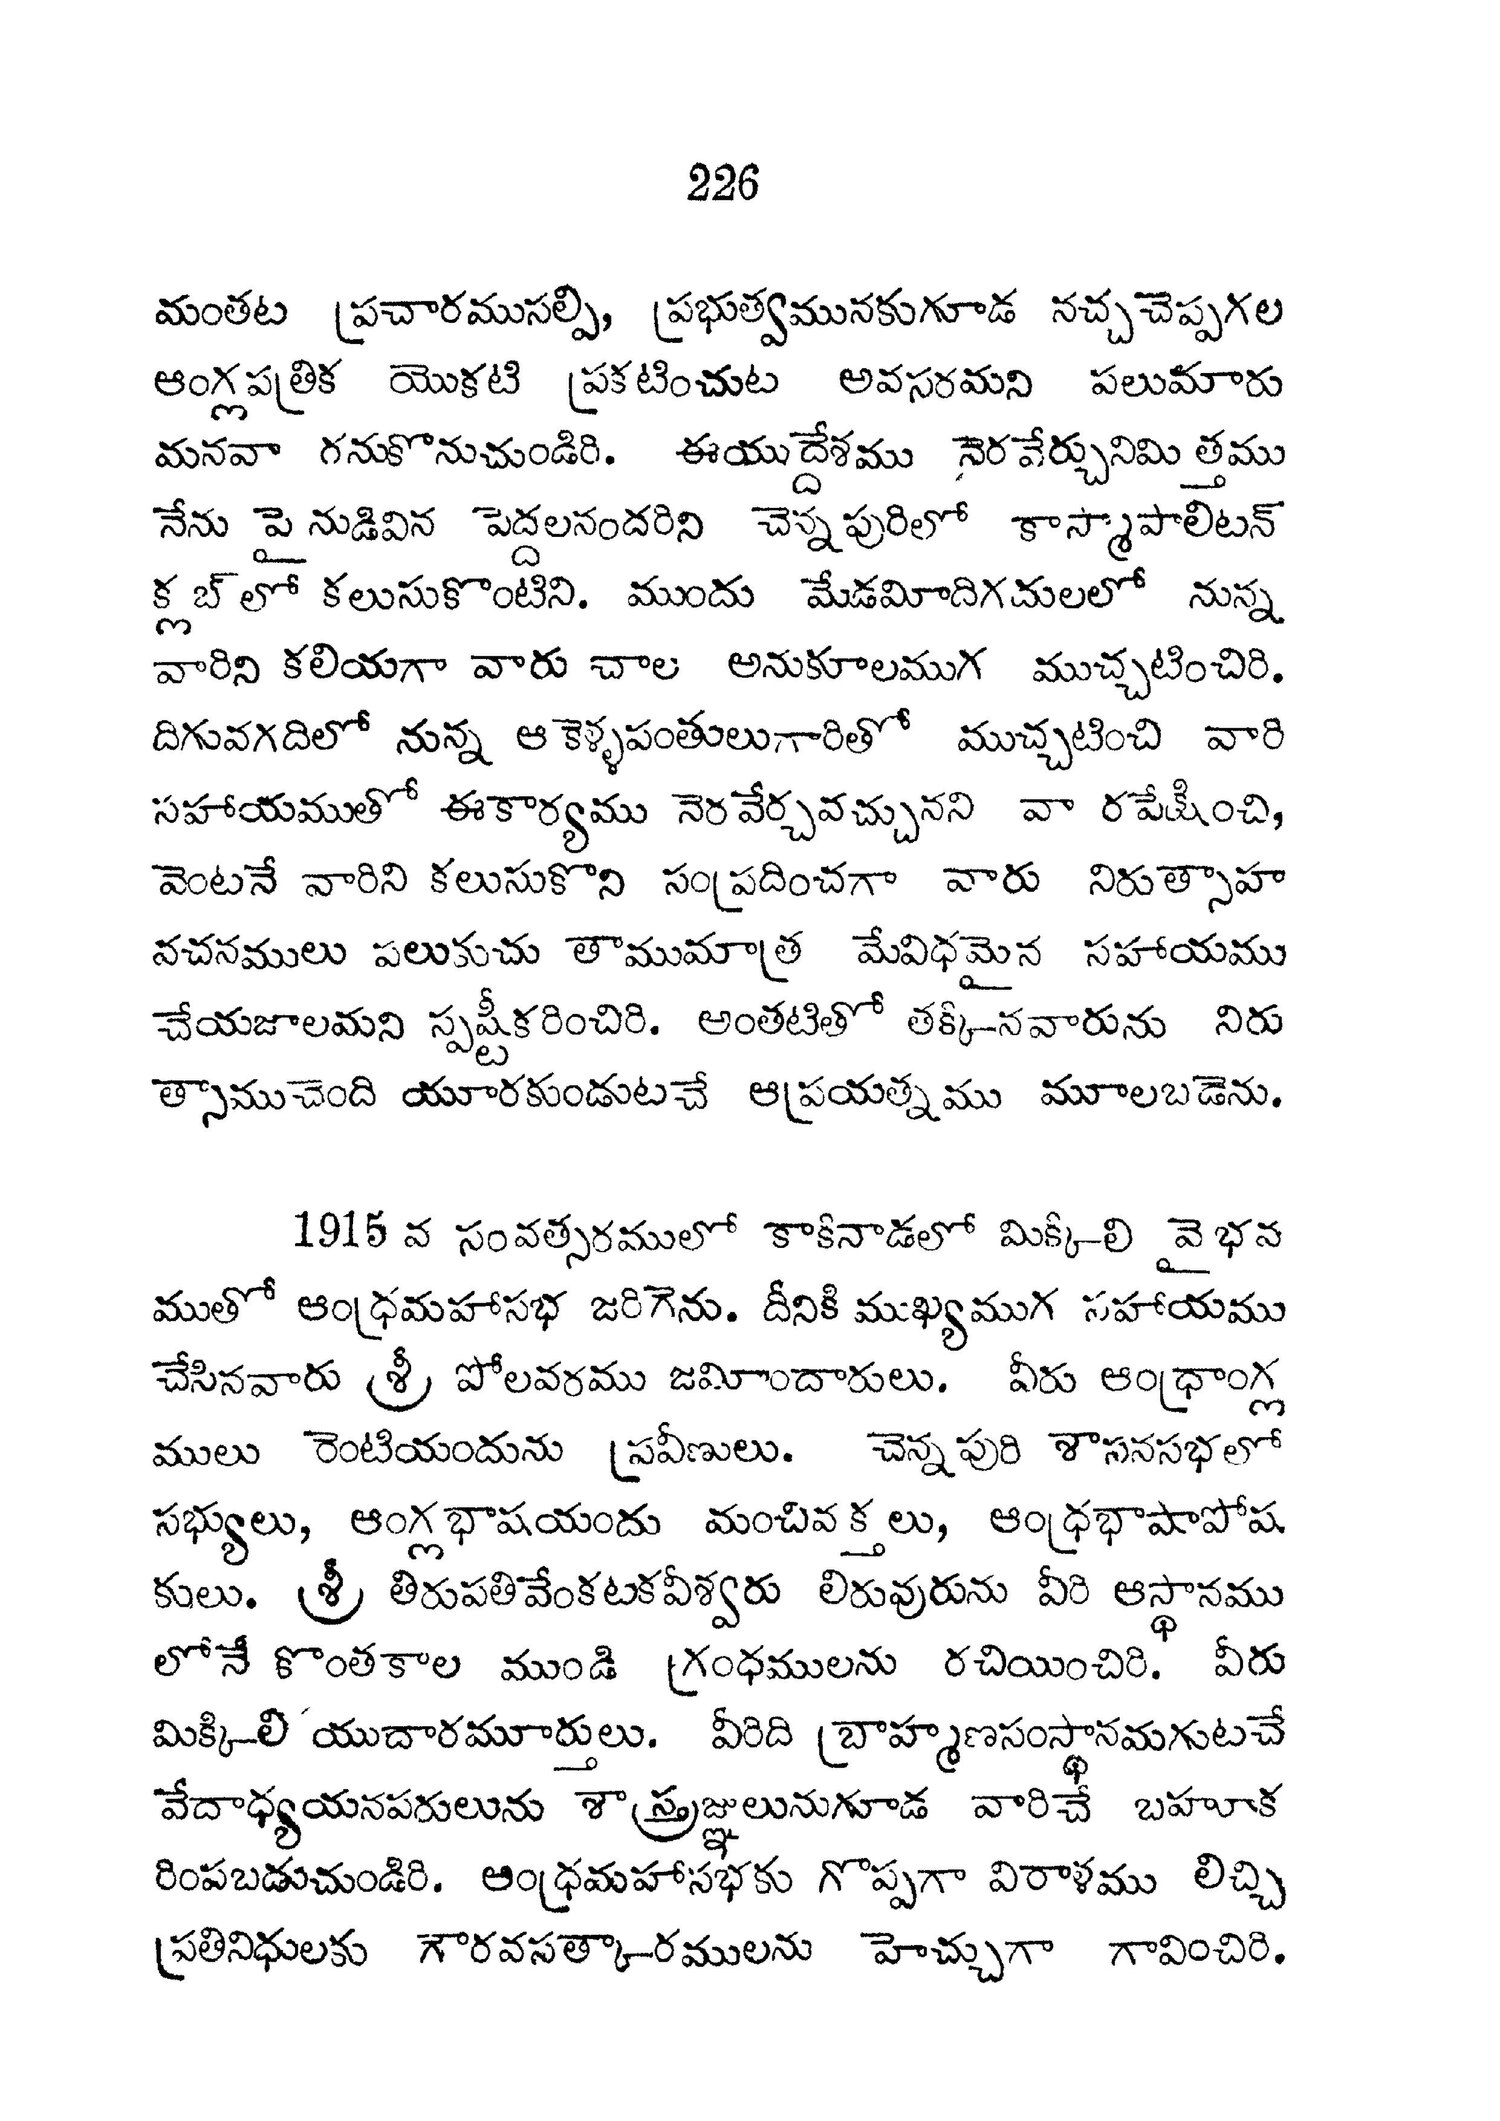మంతట ప్రచారముసల్పి, ప్రభుత్వనకుగూడ నచ్చచెప్పగల ఆంగ్లపత్రిక యొకటి ప్రకటించుట అవసరమని పలుమారు మనవా రనుకొనుచుండిరి. ఈయుద్దేశము నెరవేర్చునిమిత్తము నేను పైనుడివిన పెద్దలనందరిని చెన్నపురిలో కాస్మాపాలిటన్ క్లబ్‌లో కలుసుకొంటిని. ముందు మేడమీదిగదులలో నున్నవారిని కలియగా వారు చాల అనుకూలముగ ముచ్చటించిరి. దిగువగదిలో నున్న ఆకెళ్ళపంతులుగారితో ముచ్చటించి వారి సహాయముతో ఈకార్యము నెరవేర్చవచ్చునని వా రపేక్షించి, వెంటనే వారిని కలుసుకొని సంప్రదించగా వారు నిరుత్సాహ వచనములు పలుకుచు తాముమాత్ర మేవిధమైన సహాయము చేయజాలమని స్పష్టీకరించిరి. అంతటితో తక్కినవారును నిరుత్సాహముచెంది యూరకుండుటచే ఆప్రయత్నము మూలబడెను.

1915 వ సంవత్సరములో కాకినాడలో మిక్కిలి వైభవముతో ఆంధ్రమహాసభ జరిగెను. దీనికి ముఖ్యముగ సహాయముచేసినవారు శ్రీ పోలవరము జమీందారులు. వీరు ఆంధ్రాంగ్లములు రెంటియందును ప్రవీణులు. చెన్నపురి శాసనసభలో సభ్యులు, ఆంగ్లభాషయందు మంచివక్తలు, ఆంధ్రభాషాపోషకులు. శ్రీ తిరుపతివేంకటకవీశ్వరు లిరువురును వీరి ఆస్థానములోనే కొంతకాల ముండి గ్రంధములను రచియించిరి. వీరు మిక్కిలి యుదారమూర్తులు. వీరిది బ్రాహ్మణసంస్థానమగుటచే వేదాధ్యయనపరులును శాస్త్రజ్ఞులునుగూడ వారిచే బహూకరింపబడుచుండిరి. ఆంధ్రమహాసభకు గొప్పగా విరాళము లిచ్చి ప్రతినిధులకు గౌరవసత్కారములను హెచ్చుగా గావించిరి.